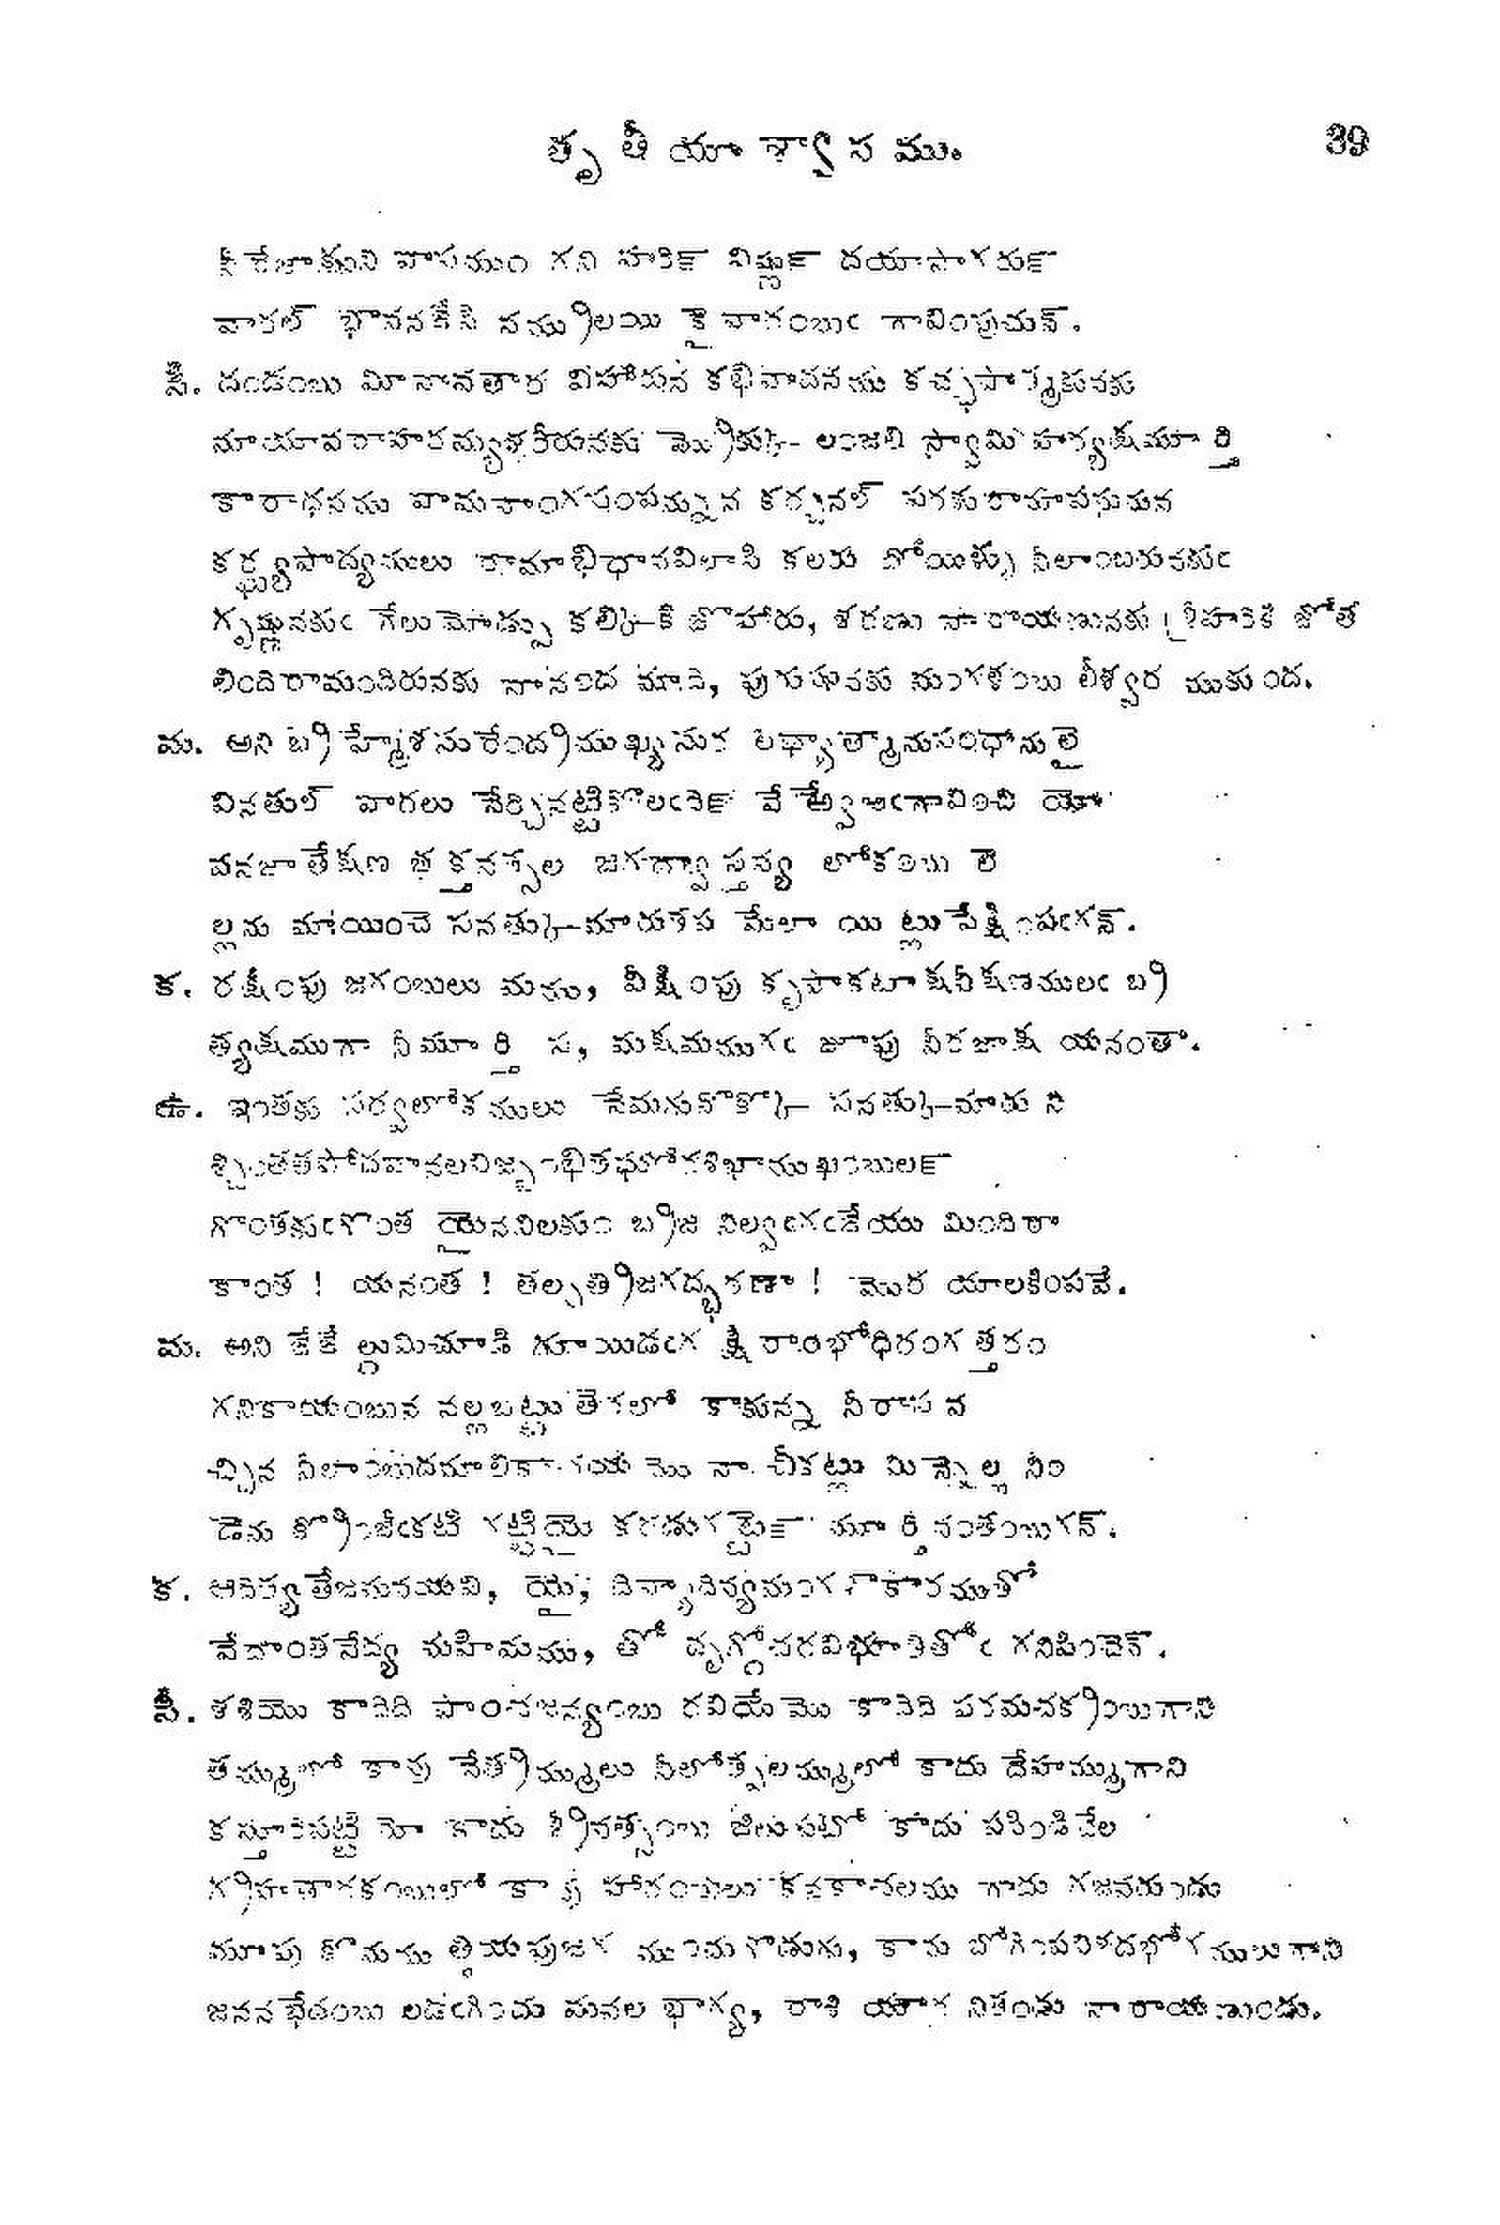నీరేజాక్షుని వాసముం గని హరిన్ విష్ణున్ దయాసాగరున్
 వారల్ భావన జేసి నమ్రులయి కైవారంబుఁ గావింపుచున్.
సీ. దండంబు మీనానతార విహారున కభివాదనము కచ్ఛపాత్మకునకు
 మాయావరాహరమ్యశరీరునకు మ్రొక్కు లంజలి స్వామి హర్యక్షమూర్తి
 కారాధనము వామనాంగసంపన్నున కర్బనల్ పరశురామాపనుమున
 కర్ఘ్యపాద్యములు రామాభిధానవిలాసి కలరు దోయిళ్ళు నీలాంబరునకుఁ
 గృష్ణునకుఁ గేలుమోడ్పు కల్కికి జొహారు, శరణు నారాయణునకు శ్రీహరికి జోత
 లిందిరామందిరునకు నానంద మాది, పురుషునకు మంగళుంబు లీశ్వర ముకుంద.
మ. అని బ్రహ్మేశసురేంద్రముఖ్యసుర లాధ్యాత్మానుసంధానులై
 వినతుల్ వారలు నేర్చినట్టి కొలఁదిన్ వేఱ్వేఱఁ గావించి యో
 వనజాతేక్షణ భక్తవత్సల జగద్వాస్తన్య లోకంబు లె
 ల్లను మాయించె సనత్కుమారుతప మేలా యి ట్లుపేక్షింపఁగన్.
క. రక్షింపు జగంబులు మము, వీక్షింపు కృపాకటాక్షవీక్షణములఁ బ్ర
 త్యక్షముగా నీమూర్తి స, మక్షమముగఁ జూపు నీరజాక్ష యనంతా.
ఉ. ఇంతకు సర్వలోకములు నేమగునొక్కొ సనత్కుమారు ని
 శ్చింతతపోదవానలవిజృంభితఘోరశిఖాముఖంబులన్
 గొంతకుఁగొంత యైన నిలకుం బ్రజ నిల్వఁగఁజేయు మిందిరా
 కాంత! యనంత! తల్పత్రిజగద్భరణా! మొర యాలకింపవే.
మ. అని జేజే ల్గుమిచూడి గూయిడఁగ క్షీరాంభోధిరంగత్తరం
 గనికాయంబున నల్లబట్టుతెరలో కాకున్న నీరాస వ
 చ్చిన నీలాంబుదమాలికాచయమొ నా చీఁకట్లు మిన్నెల్ల నిం
 డెను క్రొంజీఁకటి గట్టియై కరడుగట్టెన్ మూర్తివంతంబుగన్.
క. ఆదిత్యతేజమనయవి, యై, దివ్యాదివ్యమంగళాకారముతో
 వేదాంతవేద్యమహిమము, తో దృగ్గోచరవిభూతితోఁ గనిపించెన్.
సీ. శశియొ కాదిది పాంచజన్యంబు రవియేమొ కాదిది పరమచక్రంబు గాని
 తమ్ములో కావు నేత్రమ్ములు నీలోత్పలమ్ములో కాదు దేహమ్ము గాని
 కస్తూరిపట్టియో కాదు శ్రీవత్సంబు జిలుకుటో కాదు పసిండిచేల
 గ్రహతారకంబులో కావు హారంబులు కనకాచలము గాదు గజవరుండు
 మూపు కొనుముత్తియపుజగ ముంచుగొడుగు, కాదు బోగింపవిశదభోగములు గాని
 జననభేదంబు లడఁగించు మనల భాగ్య, రాశి యౌర నితండు నారాయణుండు.